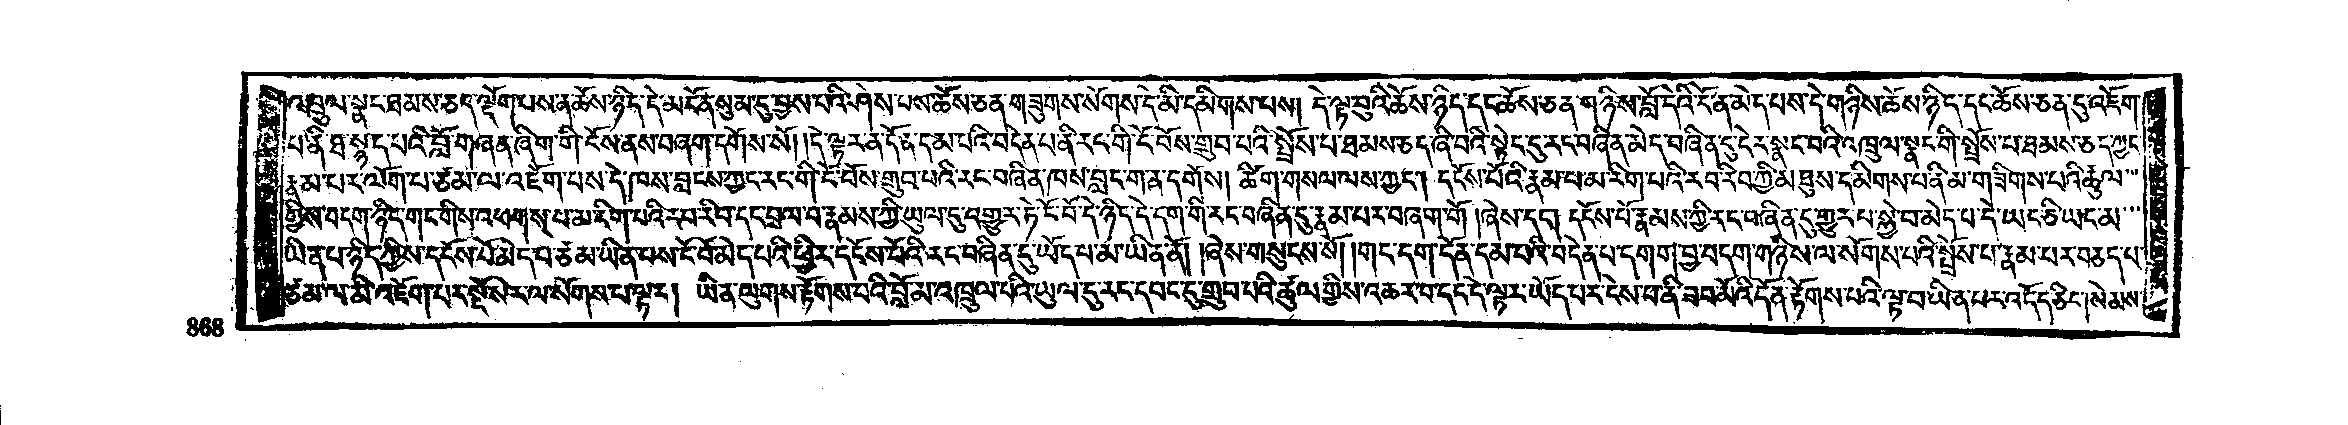འཁྲུལ་སྣང་ཐམས་ཅད་ལྡོག་པས་ན་ཆོས་ཉིད་དེ་མངོན་སུམ་དུ་བྱས་པའི་ཤེས་པས་ཆོས་ཅན་གཟུགས་སོགས་དེ་མི་དམིགས་པས། དེ་ལྟ་བུའི་ཆོས་ཉིད་དང་ཆོས་ཅན་གཉིས་བློ་དེའི་དོན་མེད་པས་དེ་གཉིས་ཆོས་ཉིད་དང་ཆོས་ཅན་དུ་འཇོག་
པ་ནི་ཐ་སྙད་པའི་བློ་གཞན་ཞིག་གི་ངོས་ནས་བཞག་དགོས་སོ། །དེ་ལྟར་ན་དོན་དམ་པའི་བདེན་པ་ནི་རང་གི་ངོ་བོས་གྲུབ་པའི་སྤྲོས་པ་ཐམས་ཅད་ཞི་བའི་སྟེང་དུ་རང་བཞིན་མེད་བཞིན་དུ་དེར་སྣང་བའི་འཁྲུལ་སྣང་གི་སྤྲོས་པ་ཐམས་ཅད་ཀྱང་
རྣམ་པར་ལོག་པ་ཙམ་ལ་འཇོག་པས་དེ་ཁས་བླངས་ཀྱང་རང་གི་ངོ་བོས་གྲུབ་པའི་རང་བཞིན་ཁས་བླང་ག་ན་དགོས། ཚིག་གསལ་ལས་ཀྱང་། དངོས་པོའི་རྣམ་པ་མ་རིག་པའི་རབ་རིབ་ཀྱི་མཐུས་དམིགས་པ་ནི་མ་གཟིགས་པའི་ཚུལ་
གྱིས་བདག་ཉིད་གང་གིས་འཕགས་པ་མ་རིག་པའི་རབ་རིབ་དང་བྲལ་བ་རྣམས་ཀྱི་ཡུལ་དུ་འགྱུར་ཏེ་ངོ་བོ་དེ་ཉིད་དེ་དག་གི་རང་བཞིན་དུ་རྣམ་པར་བཞག་གོ། ཞེས་དང་། དངོས་པོ་རྣམས་ཀྱི་རང་བཞིན་དུ་གྱུར་པ་སྐྱེ་བ་མེད་པ་དེ་ཡང་ཅི་ཡང་མ་
ཡིན་པ་ཉིད་ཀྱིས་དངོས་པོ་མེད་པ་ཙམ་ཡིན་པས་ངོ་བོ་མེད་པའི་ཕྱིར་དངོས་པོའི་རང་བཞིན་དུ་ཡོད་པ་མ་ཡིན་ནོ། །ཞེས་གསུངས་སོ། །གང་དག་དོན་དམ་པའི་བདེན་པ་དགག་བྱ་བདག་གཉིས་ལ་སོགས་པའི་སྤྲོས་པ་རྣམ་པར་བཅད་པ་
ཙམ་ལ་མི་འཇོག་པར་སྔོ་སེར་ལ་སོགས་པ་ལྟར། ཡིན་ལུགས་རྟོགས་པའི་བློ་མ་འཁྲུལ་བའི་ཡུལ་དུ་རང་དབང་དུ་གྲུབ་པའི་ཚུལ་གྱིས་འཆར་བ་དང་དེ་ལྟར་ཡོད་པར་ངེས་པ་ནི་ཟབ་མོའི་དོན་རྟོགས་པའི་ལྟ་བ་ཡིན་པར་འདོད་ཅིང་། སེམས་